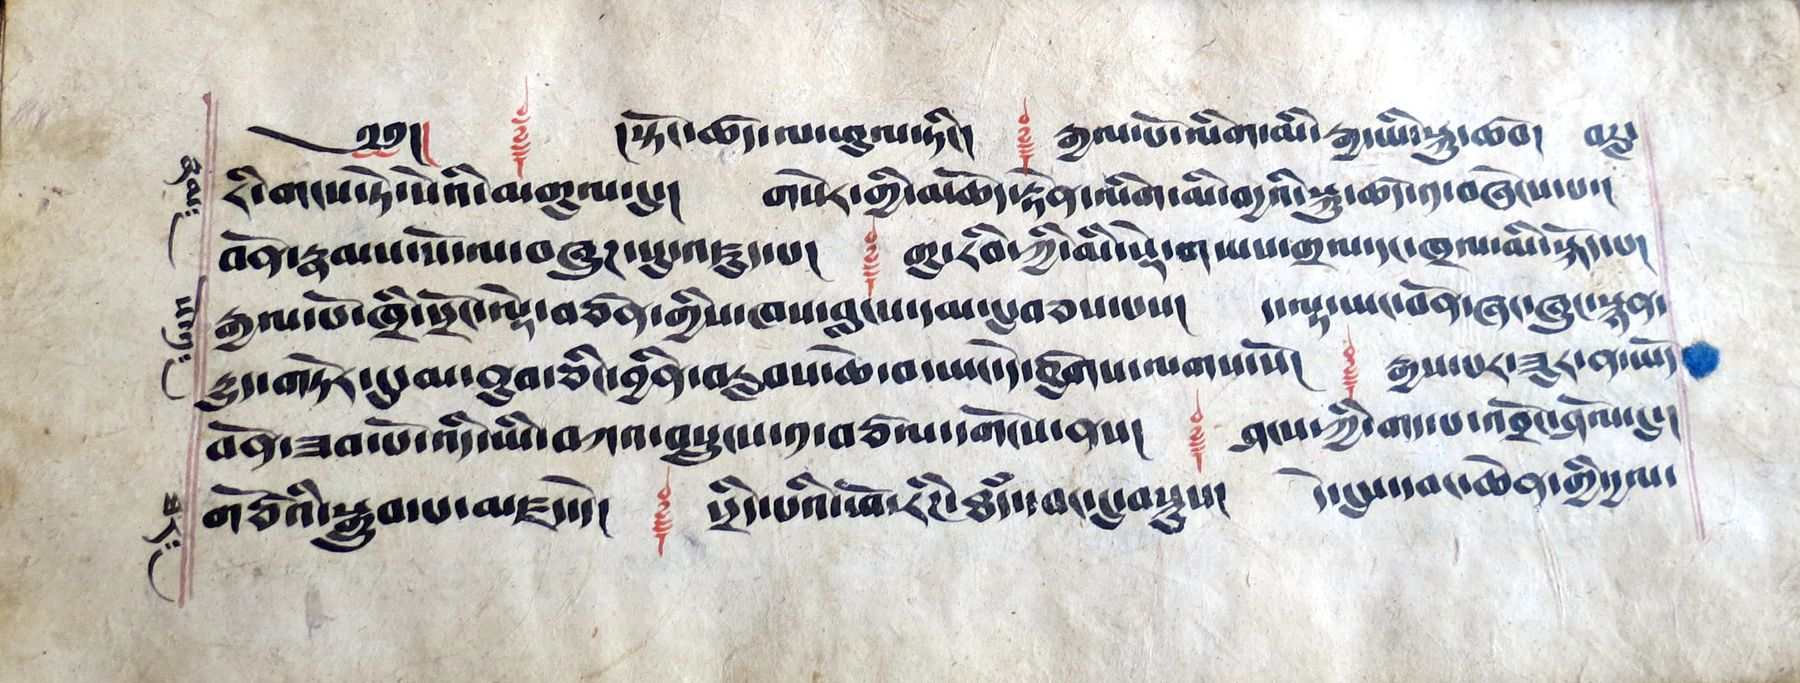སྟོང་ཚད་ལ་ཕུལ་རྟིང་། རྒྱལ་པོ་ལིག་མི་རྐྱའི་སྐུ་ཚབ། བླ་
རི་གངས་ཏི་སེའི་མགུལ་དུ། གསེར་གྱི་མཆོད་རྟེན་ལིག་མི་རྐྱའི་སྐུ་ཚད་ཅིག་བཞེངས་པ། 
བོན་རྣམས་སོ་སོ་ལ་བཞུགས་སུ་འཇུད་(བརྡ་རྙིང་པ་ཡིན) པ། གུ་རིབ་ཀྱི་མི་སྡེ་ལ་གཡས་གྲལ་དང་ཁྲལ་མི་བསྐོད་པ། 
རྒྱལ་པོ་ཁྲི་སྲོང་གིས་ཁས་བླངས་དམ་དུ་བཅས་པས། ད་ལྟ་ཡང་བོན་ཞང་ཞུང་སྙན་
རྒྱུད་གཏེར་དུ་མ་ནུབ་ཅིང་། བྱིན་རླབས་ཆེ་བ་ཡང་དེ་ཙུག་ལགས་སོ། ། རྒྱས་པ་ཟུར་ན་ཡོད། 
བོན་ཟབ་མོ་འདི་ཡི་བཀའ་སྲུང་ཞིག་བཙལ་དགོངས་ནས། ཤངས་ཀྱི་གད་པ་འགྲོད་ཤོལ་དུ། 
བཙོའི་སྒྲུབ་པ་མཛད་དེ། སྲིད་པའི་ཕོ་རིགས་ཐམས་ཅད་དབང་དུ་བསྡུས། དེ་དུས་དབང་ཆེན་གྱི་རྒྱལ་